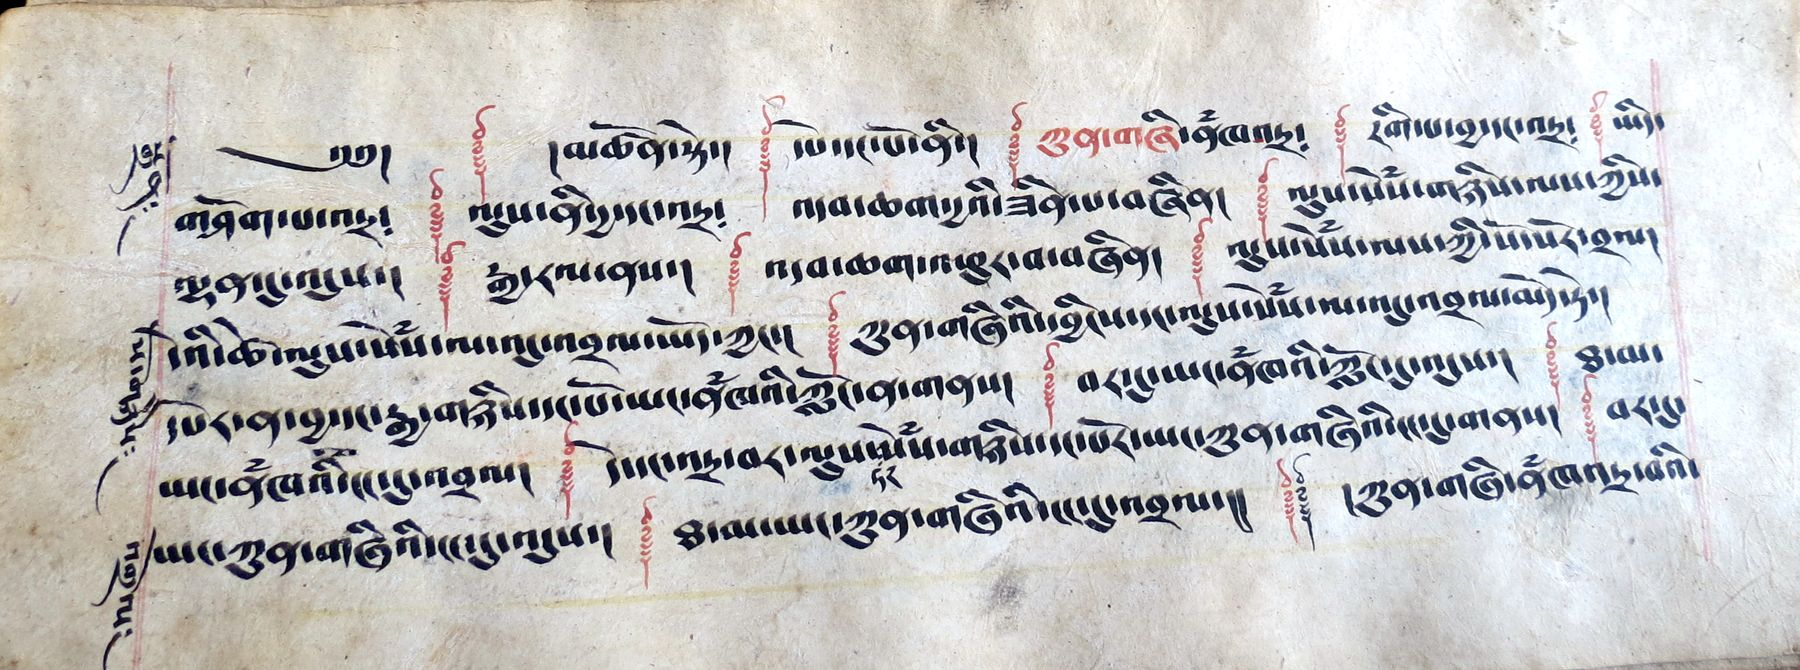མཚོན་ཏེ། དཔེ་དང་པོ་ནི། ཀུན་གཞི་ནམ་མཁའ་འདྲ། རིག་པ་བྱ་དང་འདྲ། ཡིད་
གཤོག་པ་དང་འདྲ། ལུས་ནི་རྒྱ་དང་འདྲ། འདབ་ཆགས་རྒྱ་ཡིས་ཟིན་པ་བཞིན། ལུས་སེམས་གཉིས་ལས་ཀྱིས་
ལྷན་དུ་འདུས། རྒྱ་རལ་ནས། འདབ་ཆགས་འཕུར་བ་བཞིན། ལུས་སེམས་ལས་ཀྱིས་སོ་སོར་བྲལ། 
དེའི་ཚེ་ལུས་སེམས་ལ་འདུ་འབྲལ་ཡོད་ཀྱང་། ཀུན་གཞིའི་དབྱིངས་དང་ལུས་སེམས་ལ་འདུ་འབྲལ་མེད་དེ། 
དཔེར་ན་བྱ་དང་རྒྱ་གཉིས་དང་པོར་ཡང་ནམ་མཁའི་ཀློང་ན་གནས། བར་དུ་ཡང་ནམ་མཁའི་ཀློང་དུ་འདུས། ཐ་མ་
ཡང་ནམ་མཁའི་ངང་དུ་འབྲལ། དེ་དང་འདྲ་བར་ལུས་དང་སེམས་གཉིས་དང་པོར་ཡང་ཀུན་གཞིའི་ངང་དུ་གནས། བར་དུ་
ཡང་ཀུན་གཞིའི་ངང་དུ་འདུས། ཐ་མ་ཡང་ཀུན་གཞིའི་ངང་དུ་འབྲལ། ཀུན་གཞི་ནམ་མཁའ་འདྲ་བའི་